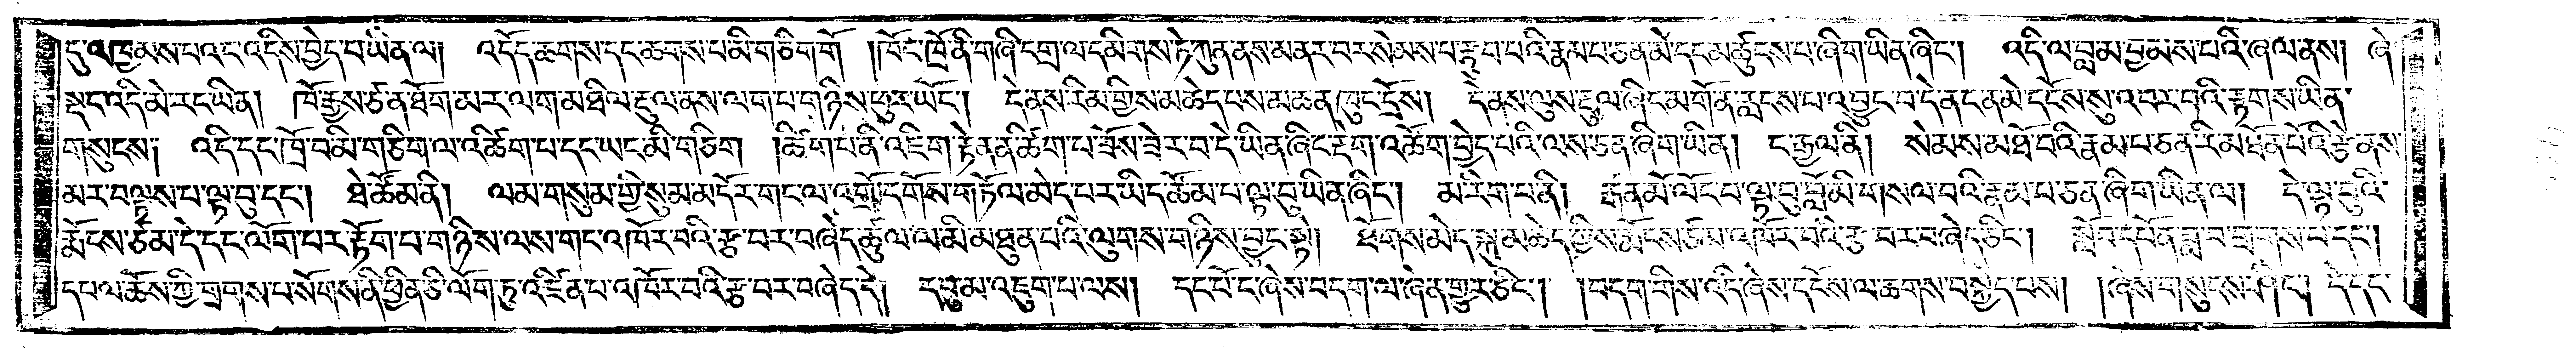དུ་འཁྱམས་བའང་འདིས་བྱེད་པ་ཡིན་ལ། འདོད་ཆགས་དང་ཆགས་པ་མི་གཅིག་གོ། །ཁོང་ཁྲོ་ནི་གཞི་དགྲ་ལ་དམིགས་ཏེ་ཀུན་ནས་མནར་བར་སེམས་པ་རྩུབ་པའི་རྣམ་པ་ཅན་མེ་དང་མཚུངས་པ་ཞིག་ཡིན་ཞིང་། འདི་ལ་བླ་མ་བྱམས་པའི་ཞལ་ནས། ཞེ་
སྡང་འདི་མེ་རང་ཡིན། ཁོ་རྒྱས་ཙ་ན་ཐོག་མར་ལག་མཐིལ་རྡུལ་ནས་ལག་པ་གཉིས་ཕུར་ཡོང་། དེ་ནས་རིམ་གྱིས་མཆེད་པས་མཆན་ཁུང་དྲོས། དེ་ནས་ལུས་རྡུལ་ཞིང་མགོ་ན་རླངས་པ་འབྱུང་བ་དེ་ནང་ན་མེ་དངོས་སུ་འབར་བའི་རྟགས་ཡིན་
གསུངས། འདི་དང་ཁྲོ་བ་མི་གཅིག་ལ་འཚིག་པ་དང་ཡང་མི་གཅིག །ཚིག་པ་ནི་འཇིག་རྟེན་ན་ཚིག་པ་ཟོས་ཟེར་བ་དེ་ཡིན་ཞིང་རྡེག་འཆོག་བྱེད་པའི་ལས་ཅན་ཞིག་ཡིན། ང་རྒྱལ་ནི། སེམས་མཐོ་བའི་རྣམ་པ་ཅན་རི་མཐོན་པོའི་རྩེ་ནས་
མར་བལྟས་པ་ལྟ་བུ་དང་། ཐེ་ཚོམ་ནི། ལམ་གསུམ་གྱི་སུམ་མདོར་གང་ལ་འགྲོ་དགོས་གཏོལ་མེད་པར་ཡིད་ཚོམ་པ་ལྟ་བུ་ཡིན་ཞིང་། མ་རིག་པ་ནི། རྒན་མོ་ལོང་བ་ལྟ་བུ་བློ་མི་གསལ་བའི་རྣམ་པ་ཅན་ཞིག་ཡིན་ལ། དེ་ལྟ་བུའི་
རྨོངས་ཙམ་དེ་དང་ལོག་པར་རྟོག་པ་གཉིས་ལས་གང་འཁོར་བའི་རྩ་བར་བཞེད་ཚུལ་ལ་མི་མཐུན་པའི་ལུགས་གཉིས་བྱུང་སྟེ། ཐོགས་མེད་སྐུ་མཆེད་ཀྱིས་རྨོངས་ཙམ་འཁོར་བའི་རྩ་བར་བཞེད་ཅིང་། སློབ་དཔོན་ཟླ་བ་གྲགས་པ་དང་།
དཔལ་ཆོས་ཀྱི་གྲགས་པ་སོགས་ནི་ཕྱིན་ཅི་ལོག་ཏུ་འཛིན་པ་འཁོར་བའི་རྩ་བར་བཞེད་དེ། དབུ་མ་འཇུག་པ་ལས། དང་པོ་ང་ཞེས་བདག་ལ་ཞེན་གྱུར་ཅིང་། །བདག་གིས་འདི་ཞེས་དངོས་ལ་ཆགས་བསྐྱེད་པས། །ཞེས་གསུངས་ཤིང་། དེ་དང་